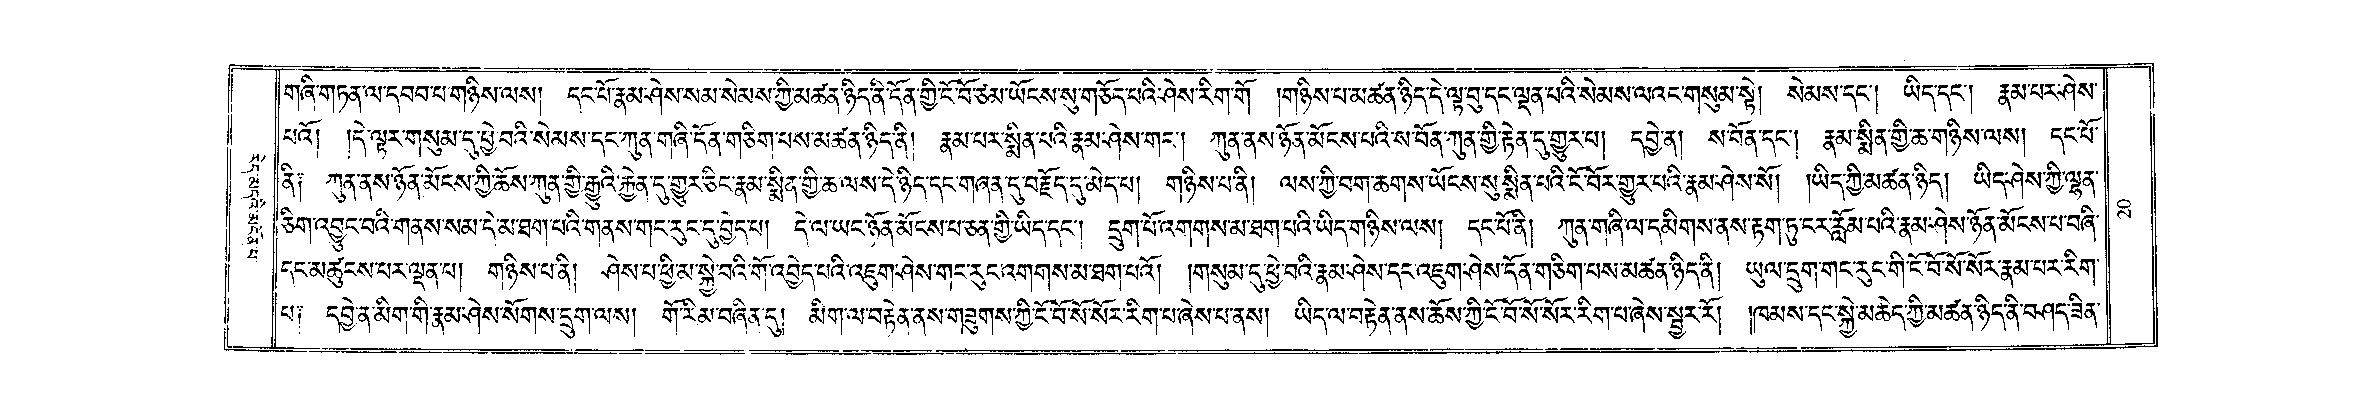གཞི་གཏན་ལ་དབབ་པ་གཉིས་ལས། དང་པོ་རྣམ་ཤེས་སམ་སེམས་ཀྱི་མཚན་ཉིད་ནི་དོན་གྱི་ངོ་བོ་ཙམ་ཡོངས་སུ་གཅོད་པའི་ཤེས་རིག་གོ །གཉིས་པ་མཚན་ཉིད་དེ་ལྟ་བུ་དང་ལྡན་པའི་སེམས་ལའང་གསུམ་སྟེ། སེམས་དང་། ཡིད་དང་། རྣམ་པར་ཤེས་
པའོ། །དེ་ལྟར་གསུམ་དུ་ཕྱེ་བའི་སེམས་དང་ཀུན་གཞི་དོན་གཅིག་པས་མཚན་ཉིད་ནི། རྣམ་པར་སྨིན་པའི་རྣམ་ཤེས་གང་། ཀུན་ནས་ཉོན་མོངས་པའི་ས་བོན་ཀུན་གྱི་རྟེན་དུ་གྱུར་པ། དབྱེ་ན། ས་བོན་དང་། རྣམ་སྨིན་གྱི་ཆ་གཉིས་ལས། དང་པོ་
ནི༑ ཀུན་ནས་ཉོན་མོངས་ཀྱི་ཆོས་ཀུན་གྱི་རྒྱུའི་རྐྱེན་དུ་གྱུར་ཅིང་རྣམ་སྨིན་གྱི་ཆ་ལས་དེ་ཉིད་དང་གཞན་དུ་བརྗོད་དུ་མེད་པ། གཉིས་པ་ནི། ལས་ཀྱི་བག་ཆགས་ཡོངས་སུ་སྨིན་པའི་ངོ་བོར་གྱུར་པའི་རྣམ་ཤེས་སོ། །ཡིད་ཀྱི་མཚན་ཉིད། ཡིད་ཤེས་ཀྱི་ལྷན་
ཅིག་འབྱུང་བའི་གནས་སམ་དེ་མ་ཐག་པའི་གནས་གང་རུང་དུ་བྱེད་པ། དེ་ལ་ཡང་ཉོན་མོངས་པ་ཅན་གྱི་ཡིད་དང་། དྲུག་པོ་འགགས་མ་ཐག་པའི་ཡིད་གཉིས་ལས། དང་པོ་ནི། ཀུན་གཞི་ལ་དམིགས་ནས་རྟག་ཏུ་ངར་རློམ་པའི་རྣམ་ཤེས་ཉོན་མོངས་པ་བཞི་
དང་མཚུངས་པར་ལྡན་པ། གཉིས་པ་ནི། ཤེས་པ་ཕྱི་མ་སྐྱེ་བའི་གོ་འབྱེད་པའི་འཇུག་ཤེས་གང་རུང་འགགས་མ་ཐག་པའོ། །གསུམ་དུ་ཕྱེ་བའི་རྣམ་ཤེས་དང་འཇུག་ཤེས་དོན་གཅིག་པས་མཚན་ཉིད་ནི། ཡུལ་དྲུག་གང་རུང་གི་ངོ་བོ་སོ་སོར་རྣམ་པར་རིག་
པ༑ དབྱེ་ན་མིག་གི་རྣམ་ཤེས་སོགས་དྲུག་ལས། གོ་རིམ་བཞིན་དུ། མིག་ལ་བརྟེན་ནས་གཟུགས་ཀྱི་ངོ་བོ་སོ་སོར་རིག་པ་ཞེས་པ་ནས། ཡིད་ལ་བརྟེན་ནས་ཆོས་ཀྱི་ངོ་བོ་སོ་སོར་རིག་པ་ཞེས་སྦྱར་རོ། །ཁམས་དང་སྐྱེ་མཆེད་ཀྱི་མཚན་ཉིད་ནི་བཤད་ཟིན་